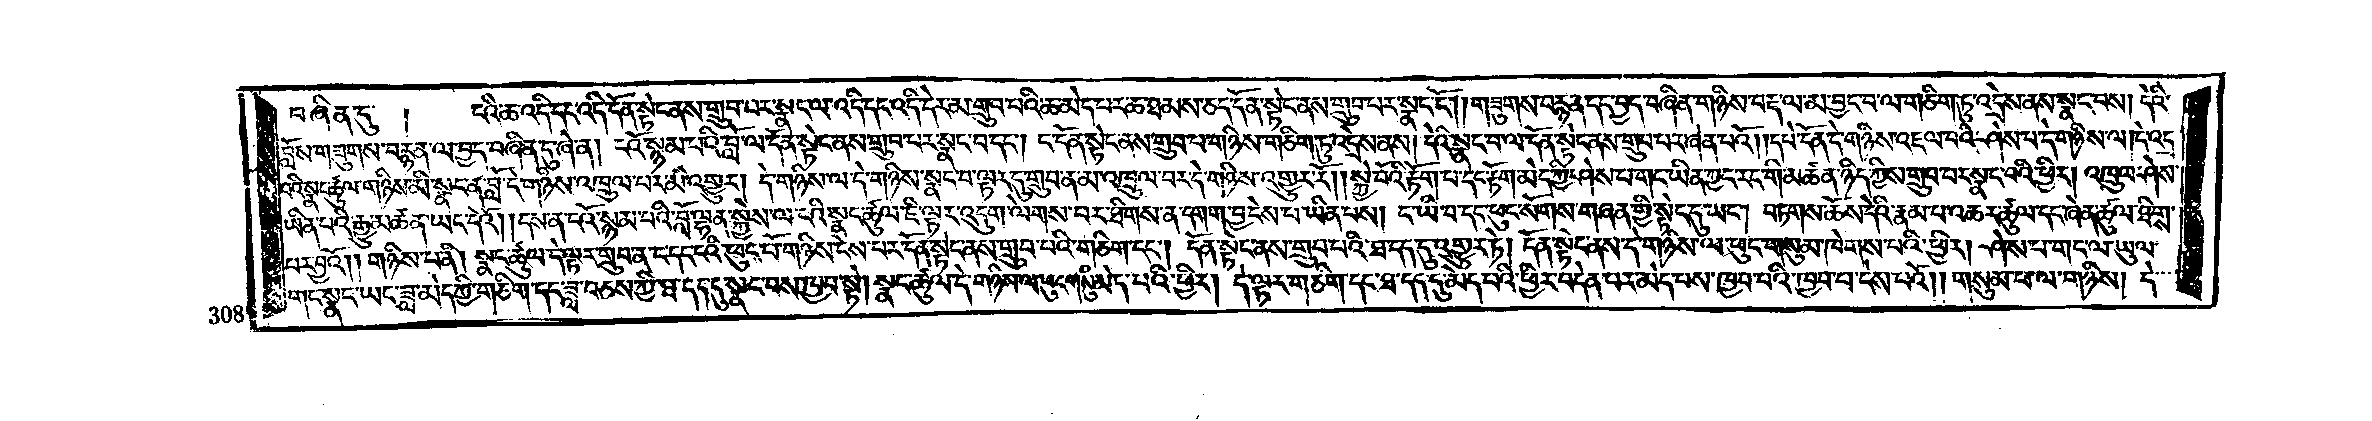བཞིན་དུ། ངའི་ཆ་འདི་དང་འདི་དོན་སྟེང་ནས་གྲུབ་པར་སྣང་ལ་འདི་དང་འདི་དེར་མ་གྲུབ་པའི་ཆ་མེད་པར་ཆ་ཐམས་ཅད་དོན་སྟེང་ནས་གྲུབ་པར་སྣང་ངོ། །གཟུགས་བརྙན་དང་བྱད་བཞིན་གཉིས་བརྡ་ལ་མ་བྱང་བ་ལ་གཅིག་ཏུ་འདྲེས་ནས་སྣང་བས། དེའི་
བློས་གཟུགས་བརྙན་ལ་བྱད་བཞིན་དུ་ཞེ་ན། ངའོ་སྙམ་པའི་བློ་ལ་དོན་སྟེང་ནས་གྲུབ་པར་སྣང་བ་དང་། ང་དོན་སྟེང་ནས་གྲུབ་པ་གཉིས་གཅིག་ཏུ་འདྲེས་ནས། དེའི་སྣང་བ་ལ་དོན་སྟེང་ནས་གྲུབ་པར་ཞེན་པའོ། །དཔེ་དོན་དེ་གཉིས་འཇལ་བའི་ཤེས་པ་དེ་གཉིས་ལ། དེ་འདྲ་
བའི་སྣང་ཚུལ་གཉིས་མི་སྣང་ན་བློ་དེ་གཉིས་འཁྲུལ་པར་མི་འགྱུར། དེ་གཉིས་ལ་དེ་གཉིས་སྣང་བ་ལྟར་དུ་གྲུབ་ན་མ་འཁྲུལ་བར་དེ་གཉིས་འགྱུར་རོ། །སྐྱེ་བོའི་རྟོག་པ་དང་རྟོག་མེད་ཀྱི་ཤེས་པ་གང་ཡིན་ཀྱང་རང་གི་མཚན་ཉིད་ཀྱིས་གྲུབ་པར་སྣང་བའི་ཕྱིར། འཁྲུལ་ཤེས་
ཡིན་པའི་རྒྱུ་མཚན་ཡང་དེའོ། །དེས་ན་ངའོ་སྙམ་པའི་བློ་ལྷན་སྐྱེས་ལ་ངའི་སྣང་ཚུལ་ཇི་ལྟར་འདུག་ལེགས་པར་ཐིགས་ན་དགག་བྱ་ངེས་པ་ཡིན་པས། ང་ཡི་བ་དང་ཕུང་སོགས་གཞན་གྱི་སྟེང་དུ་ཡང་། བཏགས་ཆོས་དེའི་རྣམ་པ་འཆར་ཚུལ་དང་ཞེན་ཚུལ་ཐིགས་
པར་བྱའོ། །གཉིས་པ་ནི། སྣང་ཚུལ་དེ་ལྟར་གྲུབ་ན་ང་དང་ངའི་ཕུང་པོ་གཉིས་ངེས་པར་དོན་སྟེང་ནས་གྲུབ་པའི་གཅིག་དང་། དོན་སྟེང་ནས་གྲུབ་པའི་ཐ་དད་དུ་འགྱུར་ཏེ། དོན་སྟེང་ནས་དེ་གཉིས་ལ་ཕུང་གསུམ་ཁེགས་པའི་ཕྱིར། ཤེས་པ་གང་ལ་ཡུལ་
གང་སྣང་ཡང་ཟླ་མེད་ཀྱི་གཅིག་དང་ཟླ་བཅས་ཀྱི་ཐ་དད་དུ་སྣང་བས་ཁྱབ་སྟེ། སྣང་ཚུལ་དེ་གཉིས་ལ་ཕུང་གསུམ་མེད་པའི་ཕྱིར། དེ་ལྟར་གཅིག་དང་ཐ་དད་དུ་མེད་པའི་ཕྱིར་བདེན་པར་མེད་པས་ཁྱབ་པའི་ཁྱབ་པ་ངེས་པའོ། །གསུམ་པ་ལ་གཉིས། དེ་